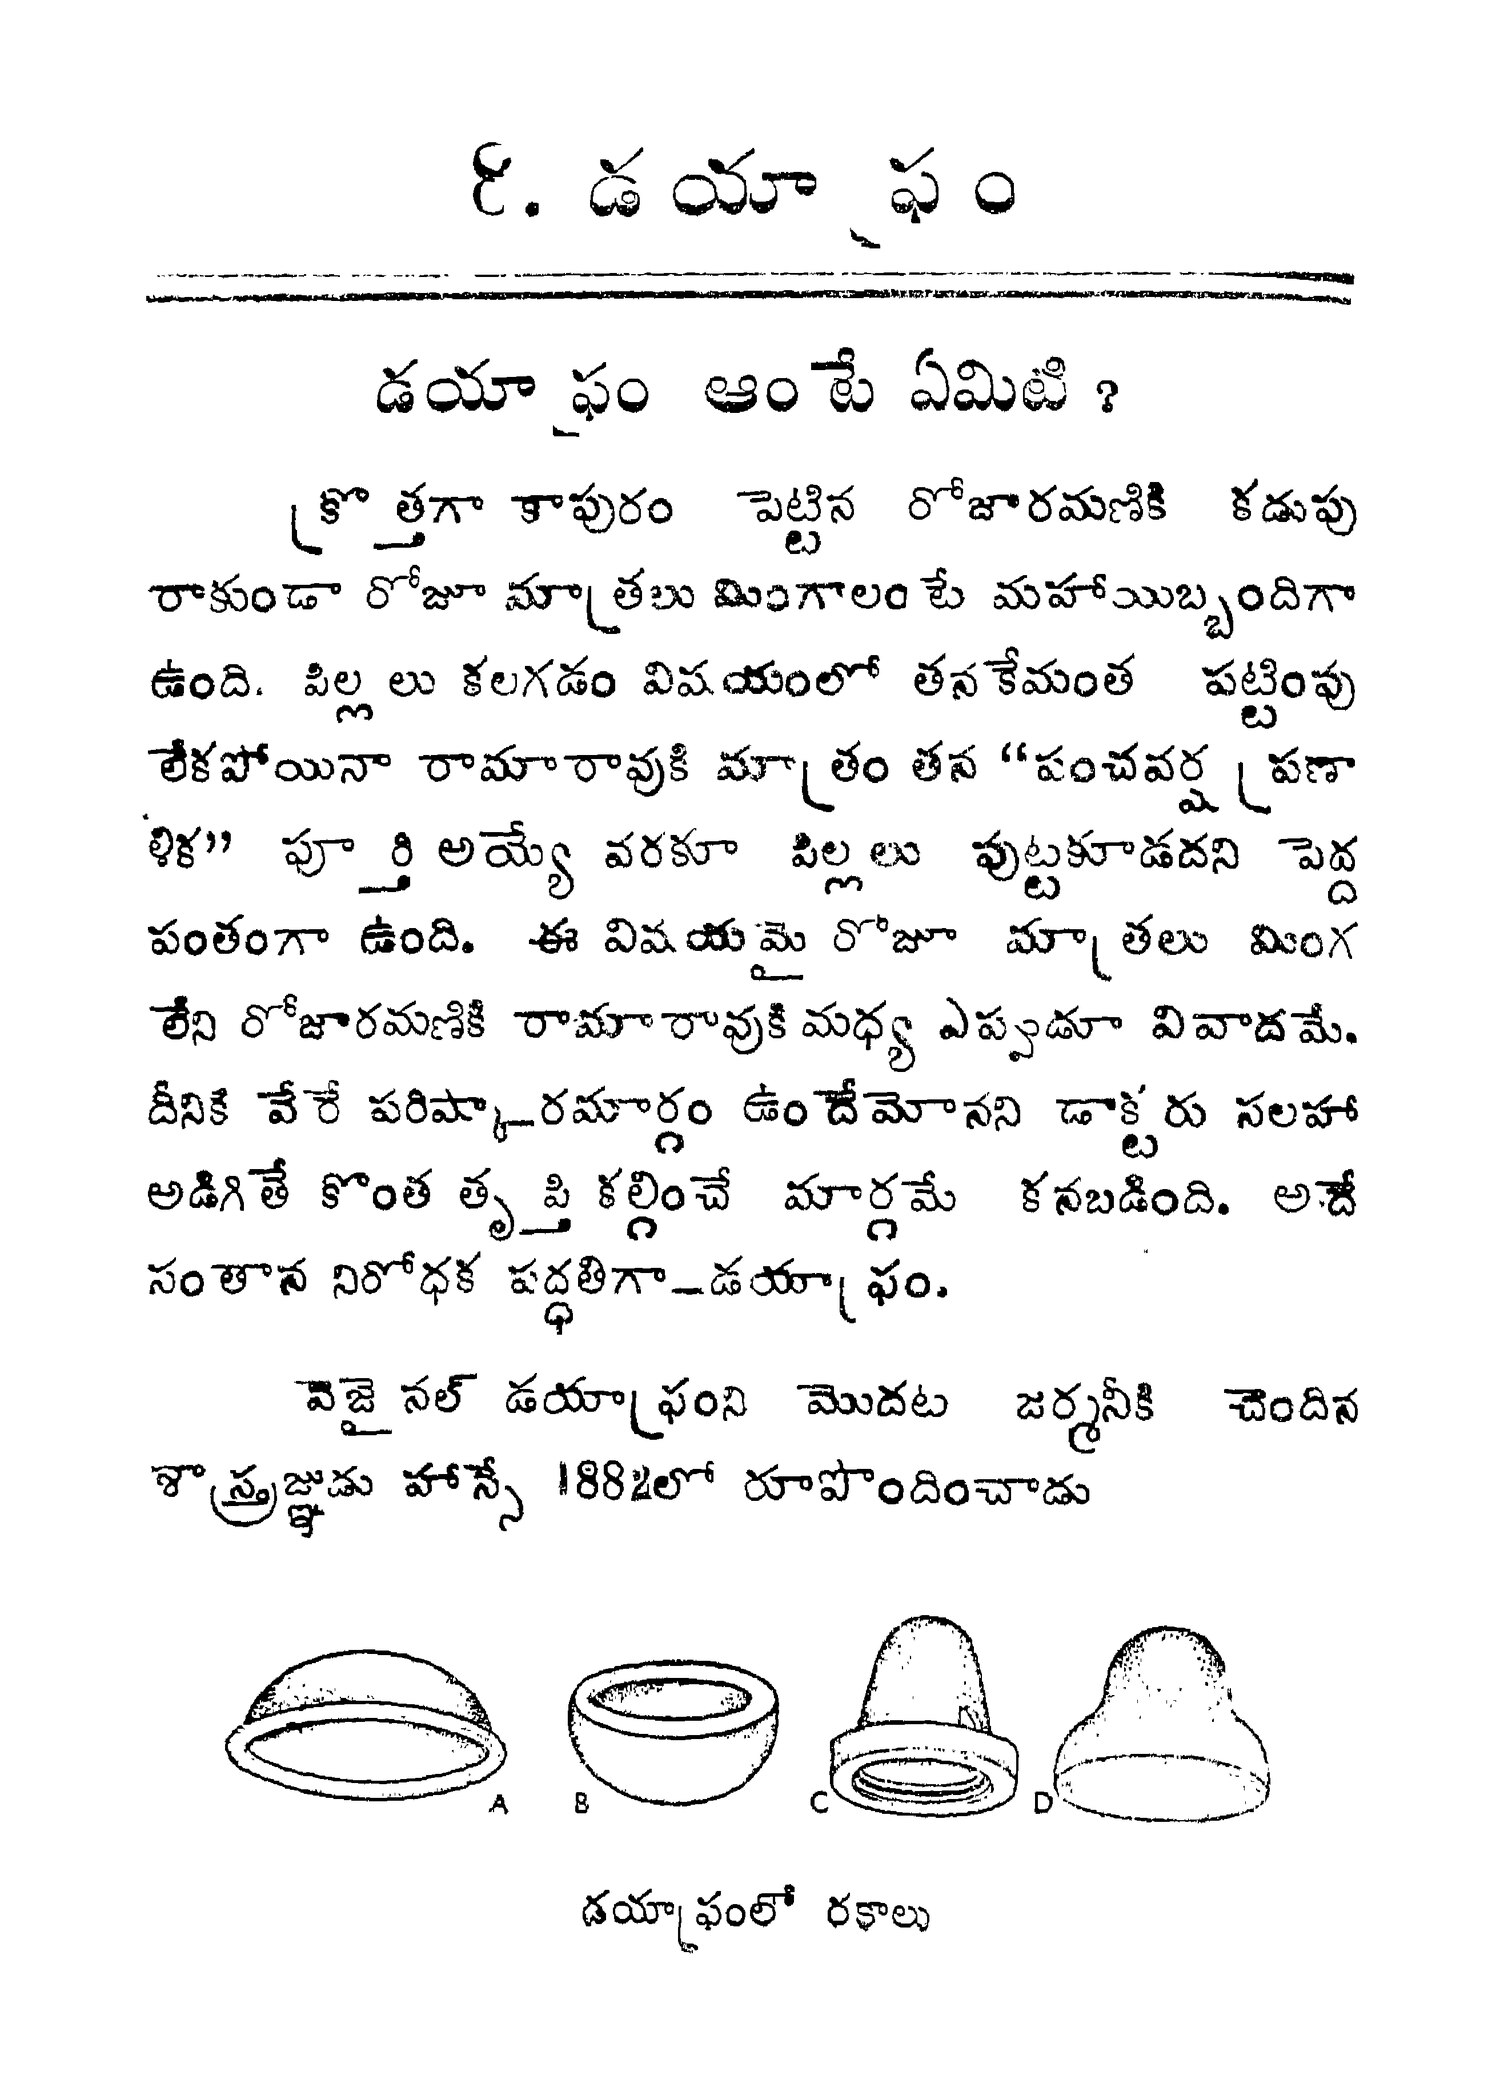క్రొత్తగా కాపురం పెట్టిన రోజారమణికి కడుపు రాకుండా రోజూ మాత్రలు మింగాలంటే మహాయిబ్బందిగా ఉంది. పిల్లలు కలగడం విషయంలో తనకేమంత పట్టింపు లేకపోయినా రామారావుకి మాత్రం తన "పంచవర్ష ప్రణాళిక" పూర్తి అయ్యే వరకూ పిల్లలు పుట్టకూడదని పెద్ద పంతంగా ఉంది. ఈ విషయమై రోజూ మాత్రలు మింగలేని రోజారమణికి రామారావుకి మధ్య ఎప్పుడూ వివాదమే. దీనికి వేరే పరిష్కారమార్గం ఉందేమోనని డాక్టరు సలహా అడిగితే కొంత తృప్తి కల్గించే మార్గమే కనబడింది. అదే సంతాన నిరోధక పద్ధతిగా - డయాఫ్రం.

వెజైనల్ డయాఫ్రంని మొదట జర్మనీకి చెందిన శాస్త్రజ్ఞుడు హాన్సే 1882లో రూపొందించాడు.